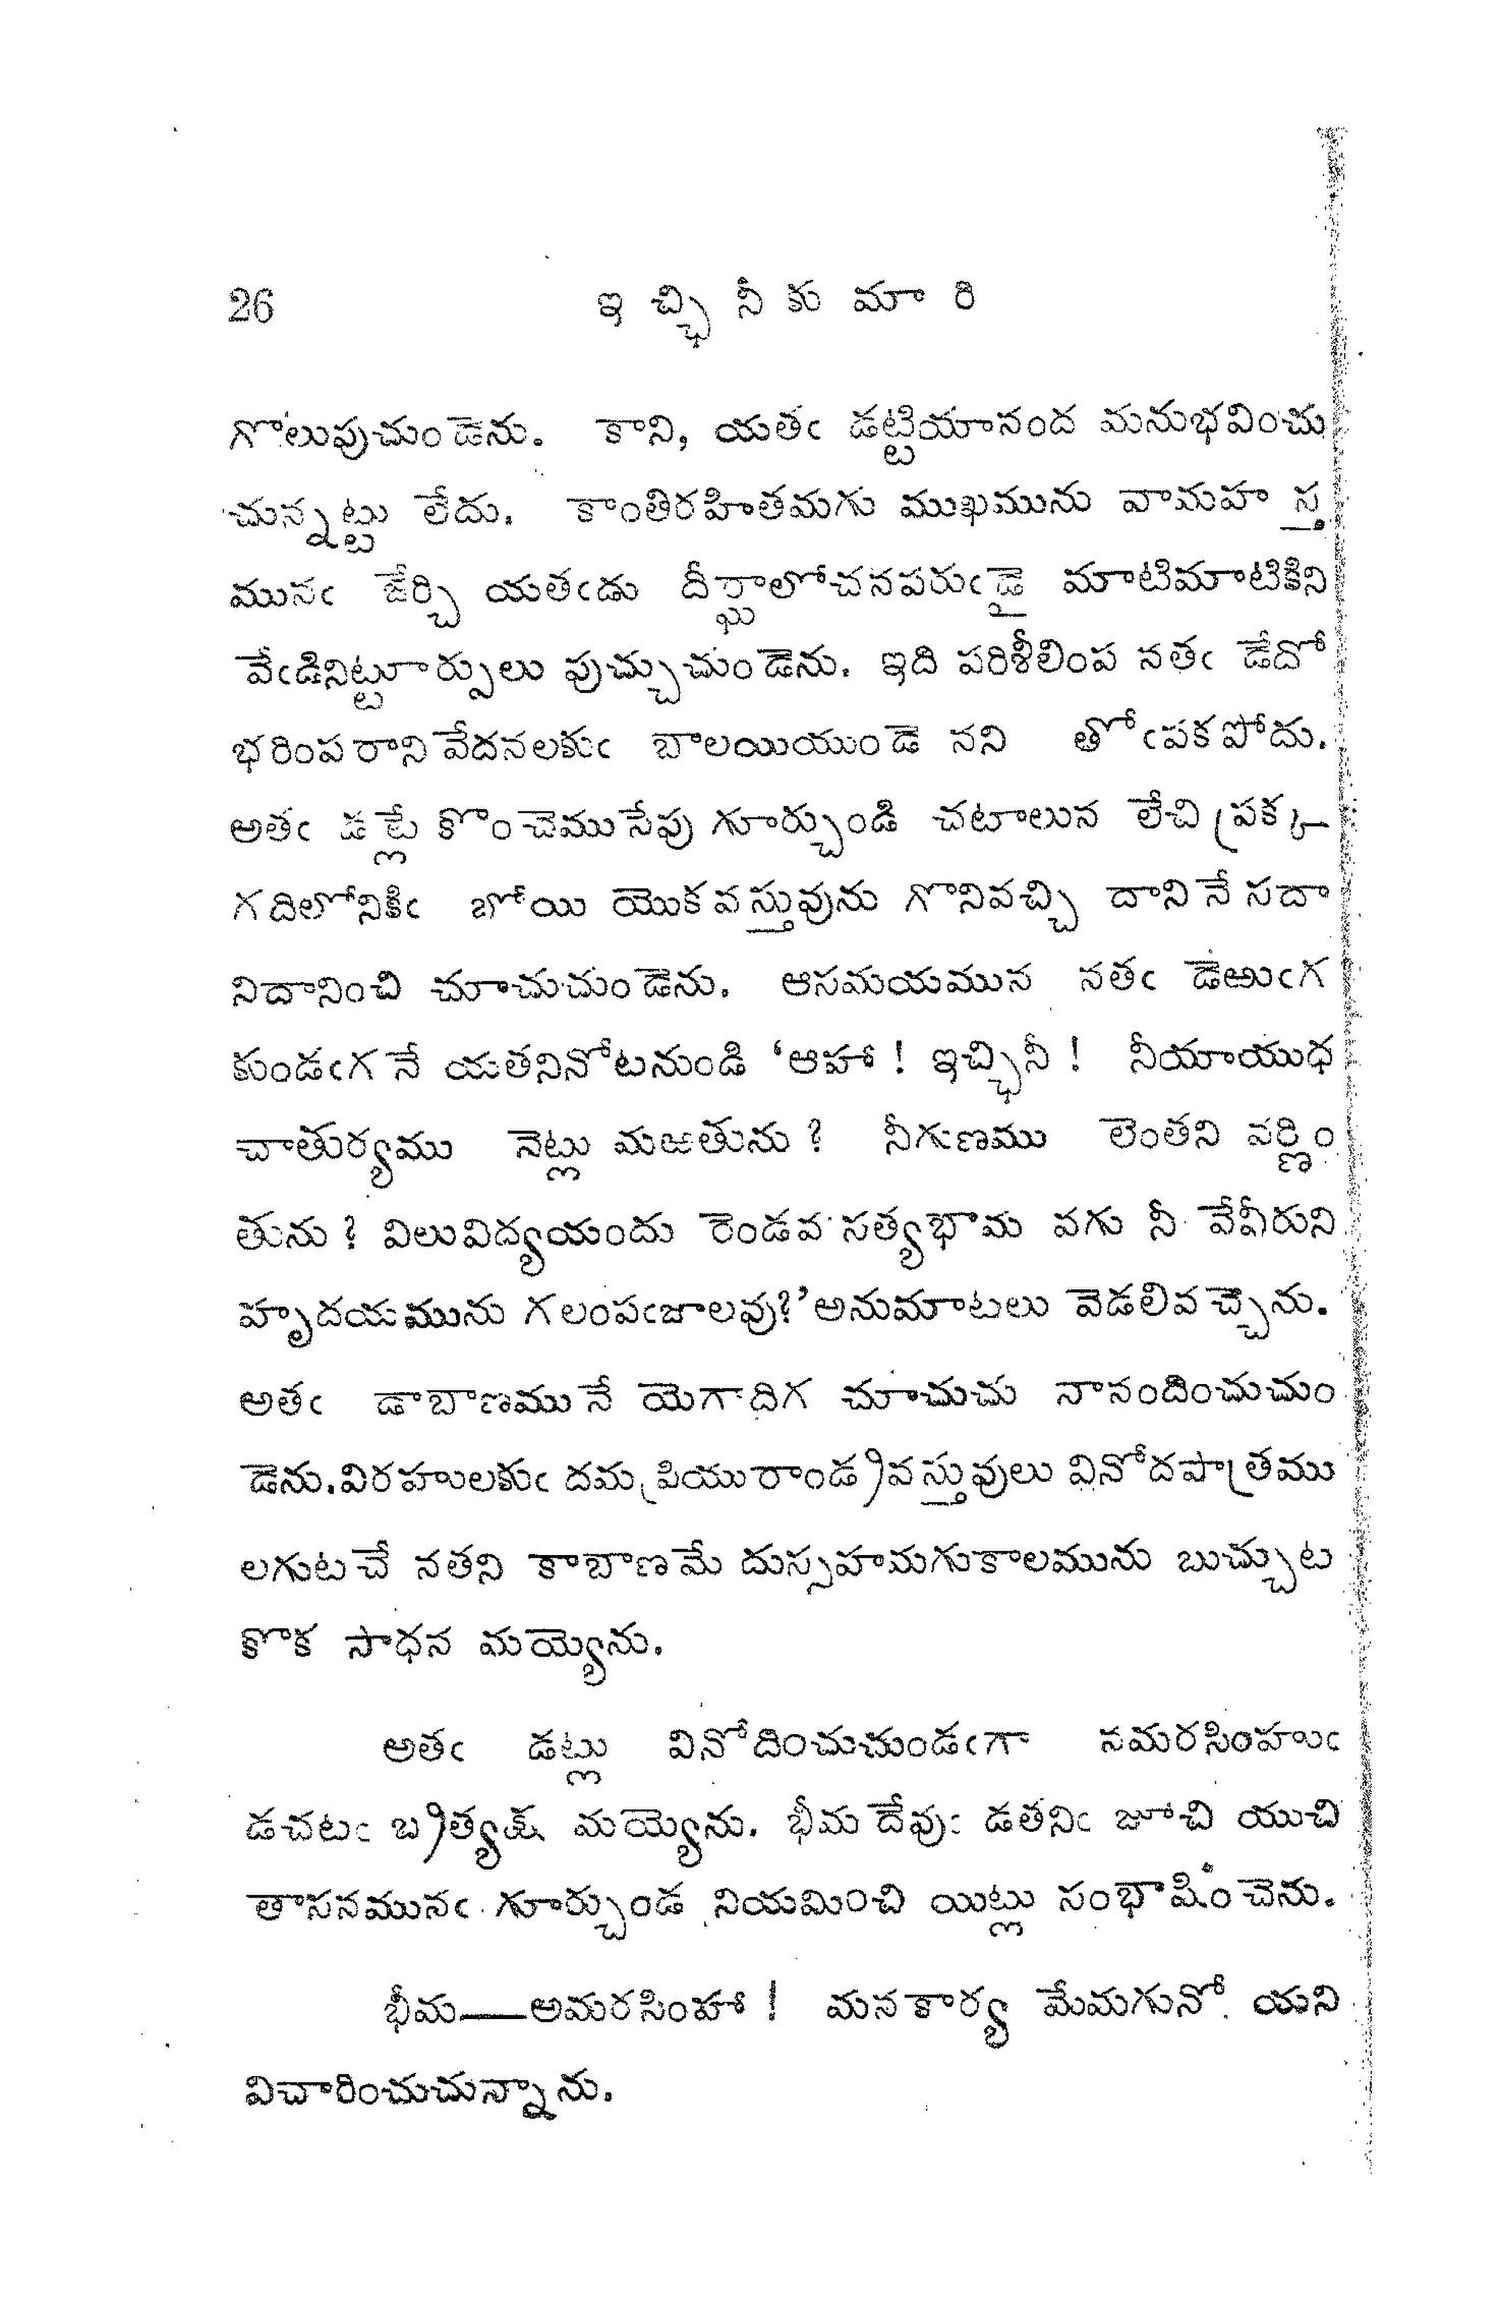గొలుపుచుండెను. కాని, యతడట్టి యానంద మనుభవించు 'చున్నట్టు లేదు. కాంతిరహితమగు ముఖమును వామహస్త మునఁ జేర్చి యతఁడు దీర్ఘాలోచన పరుఁడై మాటిమాటికిని వేఁడిని ట్టూర్పులు పుచ్చుచుండెను. ఇది పరిశీలింప నతఁ డేదో భరింపరాని వేదనలకుఁ బాలయి యుండెనని తోపకపోదు. అతఁ డట్లే కొంచెము సేపు గూర్చుండి చటాలున లేచి ప్రక్క గదిలోనికిఁ బోయి యొక వస్తువును గొనివచ్చి దానినే సదా నిదానించి చూచు చుండెను. ఆసమయమున నతఁ డెఱుఁగ కుండఁగ నే యతనినో టనుండి 'ఆహా ! ఇచ్చినీ ! నీయాయుధ చాతుర్యము నెట్లు మఱతును ? నీగుణము లెంతని వర్ణిం తును ? విలువిద్యయందు రెండవ సత్యభామ వగు నీ వేవీరుని హృదయమును గలంపఁజాలవు?' అనుమాటలు వెడలివచ్చెను. అతఁ డాబాణమునే యెగాదిగ చూచుచు నానందించుచుం డెను. విరహులకుఁ దమ ప్రియు రాండ్ర వస్తువులు వినోదపాత్రము లగుట చే నతని కాబాణమే దుస్సహమగు కాలమును బుచ్చుట కొక సాధన మయ్యెను. అతఁడట్లు వినోదించుచుండఁగా సమరసింహుం డచటం ప్రత్యక్ష మయ్యెను. భీమదేవు డతనిఁ జూచి యుచి తాసనమునఁ గూర్చుండ నియమించి యిట్లు సంభాషించెను. భీమ:- అమర సింహా ! మన శార్య మేమగునో, యని విచారించుచున్నాను.